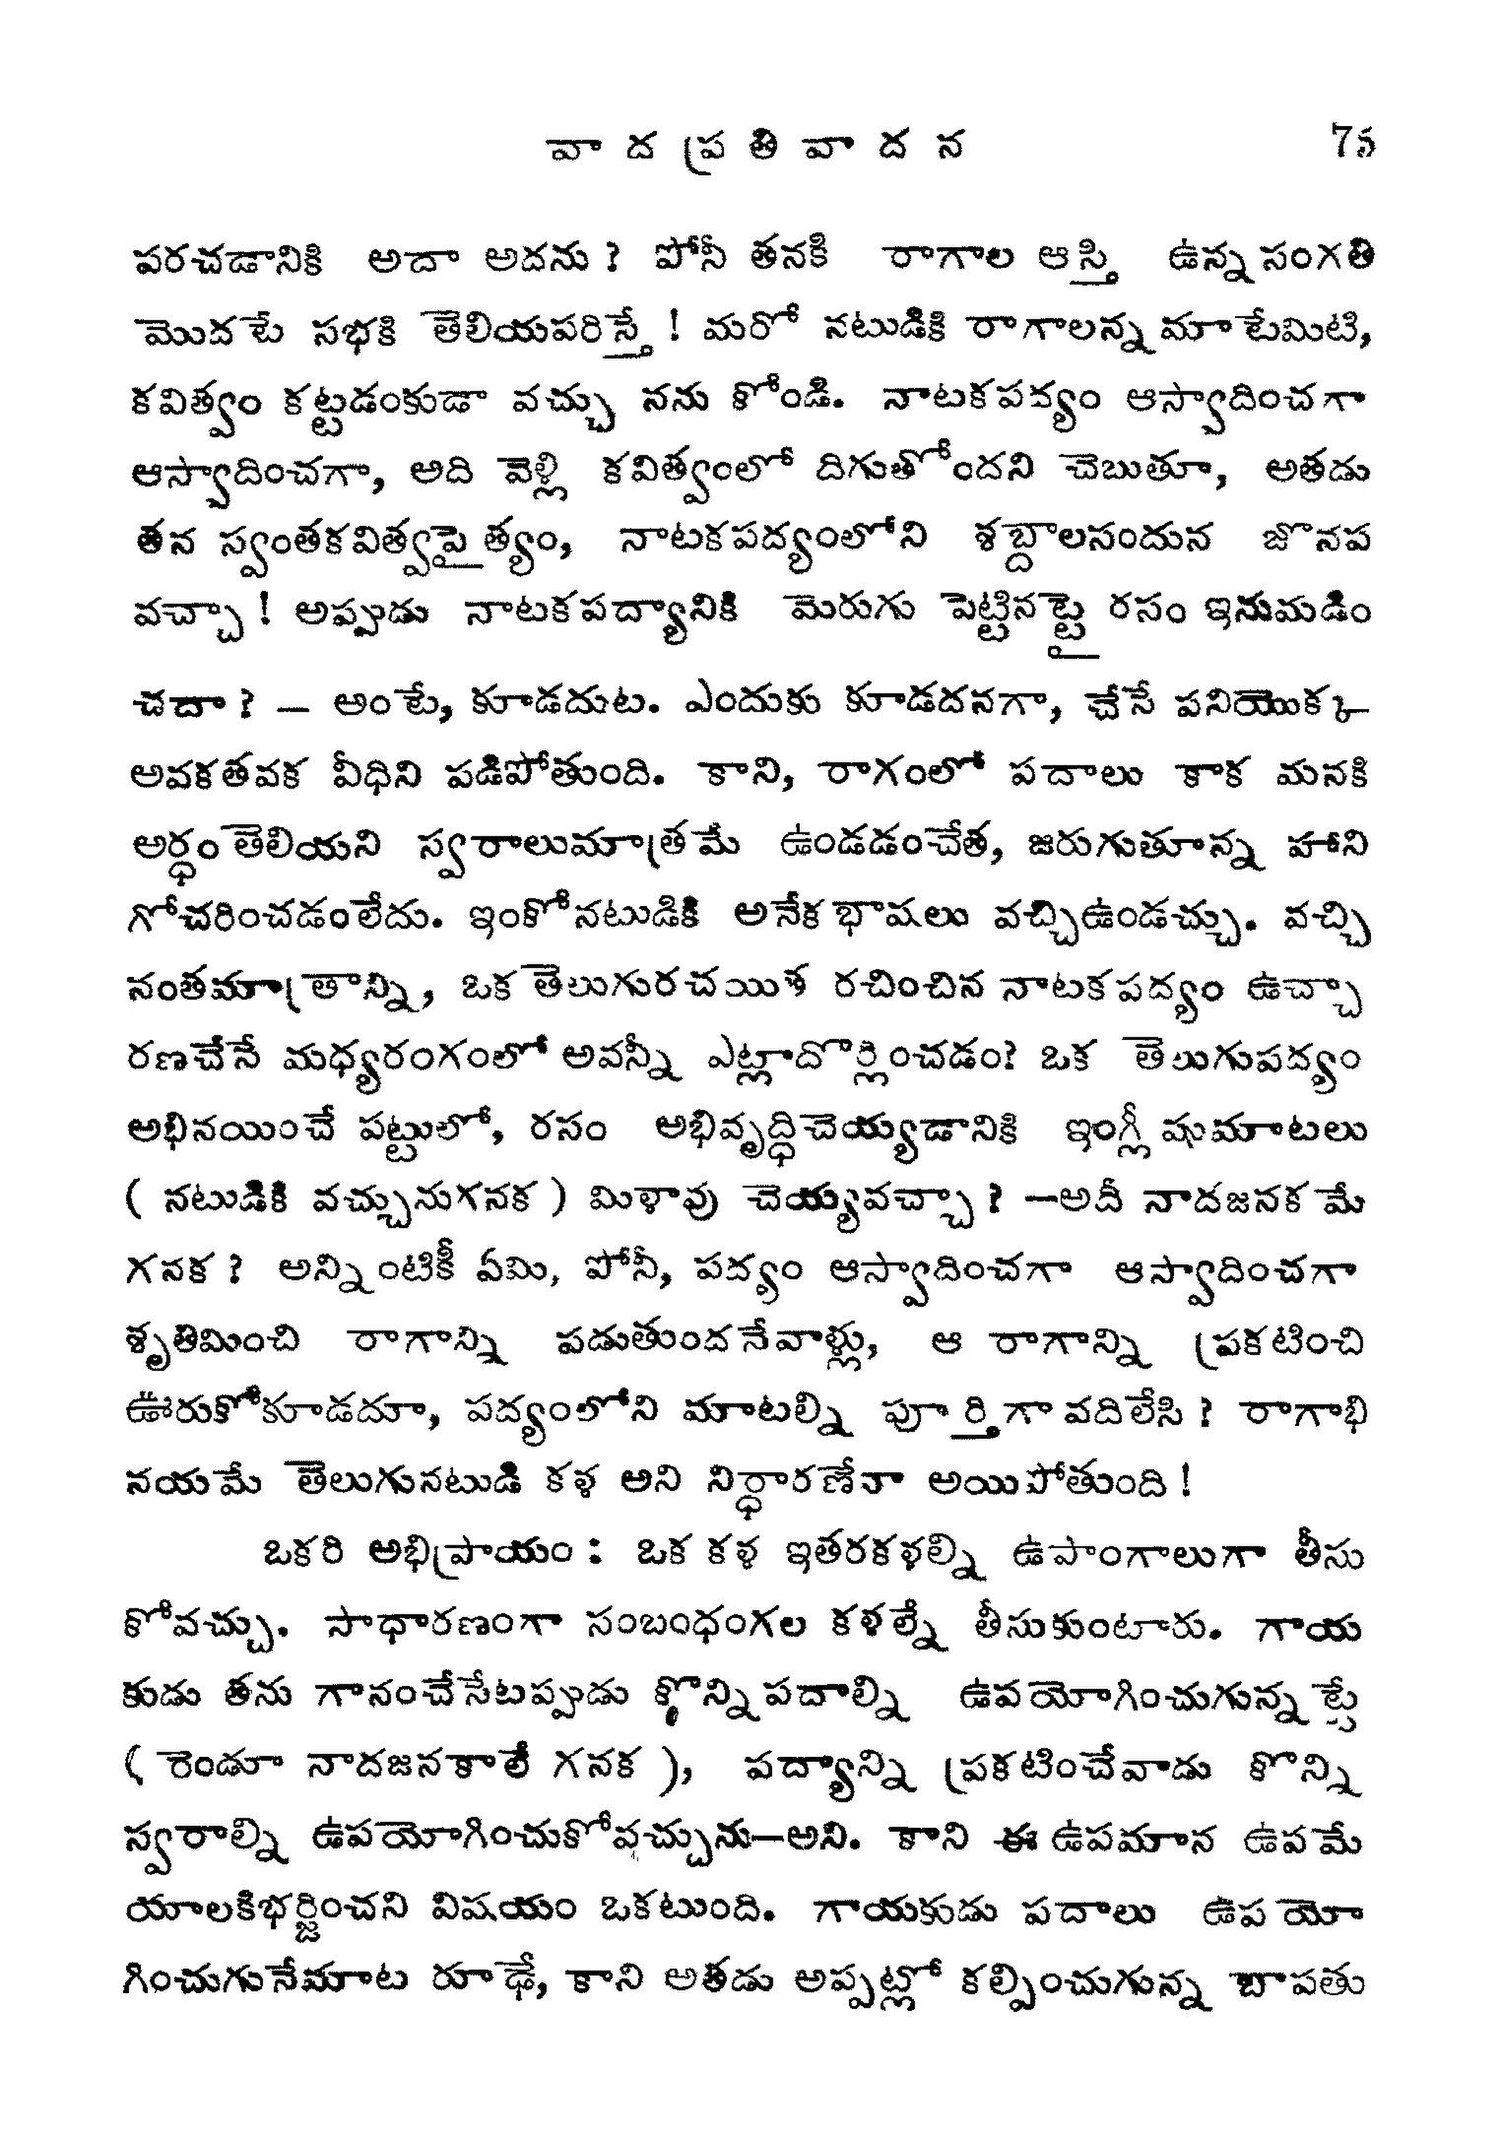పరచడానికి అదా అదను ? పోనీ తనకి రాగాల ఆస్తి ఉన్నసంగతి
మొదటే సభకి తెలియపరిస్తే ! మరో నటుడికి రాగాలన్న మాటేమిటి,
కవిత్వం కట్టడంకుడా వచ్చు నను కోండి. నాటకపద్యం ఆస్వాదించగా
ఆస్వాదించగా, అది వెళ్లి కవిత్వంలో దిగుతోందని చెబుతూ, అతడు
తన స్వంతకవిత్వపైత్యం, నాటకపద్యంలోని శబ్దాలసందున జొనప
వచ్చా! అప్పుడు నాటకపద్యానికి మెరుగు పెట్టినట్టై రసం ఇనుమడిం
చదా? - అంటే, కూడదుట. ఎందుకు కూడదనగా, చేసే పనియొక్క
అవకతవక వీధిని పడిపోతుంది. కాని, రాగంలో పదాలు కాక మనకి
అర్ధంతెలియని స్వరాలుమాత్రమే ఉండడంచేత, జరుగుతూన్న హాని
గోచరించడంలేదు. ఇంకోనటుడికి అనేకభాషలు వచ్చిఉండచ్చు. వచ్చి
నంతమాత్రాన్ని, ఒకతెలుగురచయిత రచించిన నాటకపద్యం ఉచ్చా
రణచేసే మధ్యరంగంలో అవన్నీ ఎట్లాదొర్లించడం? ఒక తెలుగుపద్యం
అభినయించే పట్టులో, రసం అభివృద్ధిచెయ్యడానికి ఇంగ్లీషుమాటలు
( నటుడికి వచ్చునుగనక ) మిళావు చెయ్యవచ్చా ? - అదీ నాజనకమే
గనక? అన్నింటికీ ఏమి, పోనీ, పద్యం ఆస్వాదించగా ఆస్వాదించగా
శృతిమించి రాగాన్ని పడుతుందనేవాళ్లు, ఆ రాగాన్ని ప్రకటించి
ఊరుకోకూడదూ, పద్యంలోని మాటల్ని పూర్తిగా వదిలేసి ? రాగాభి
నయమే తెలుగునటుడి కళ అని నిర్ధారణేనా అయిపోతుంది !

ఒకరి అభిప్రాయం : ఒక కళ ఇతరకళల్ని ఉపాంగాలుగా తీసు
కోవచ్చు. సాధారణంగా సంబంధంగల కళల్నే తీసుకుంటారు. గాయ
కుడు తను గానంచేసేటప్పుడు కొన్నిపదాల్ని ఉపయోగించుగున్నట్టే
( రెండూ నాదజనకాలే గనక ), పద్యాన్ని ప్రకటించేవాడు కొన్ని
స్వరాల్ని ఉపయోగించుకోవచ్చును — అని. కాని ఈ ఉపమాన ఉపమే
యాలకిభర్జించని విషయం ఒకటుంది. గాయకుడు పదాలు ఉపయో
గించుగునేమాట రూడే, కాని అతడు అప్పట్లో కల్పించుగున్న బాపతు